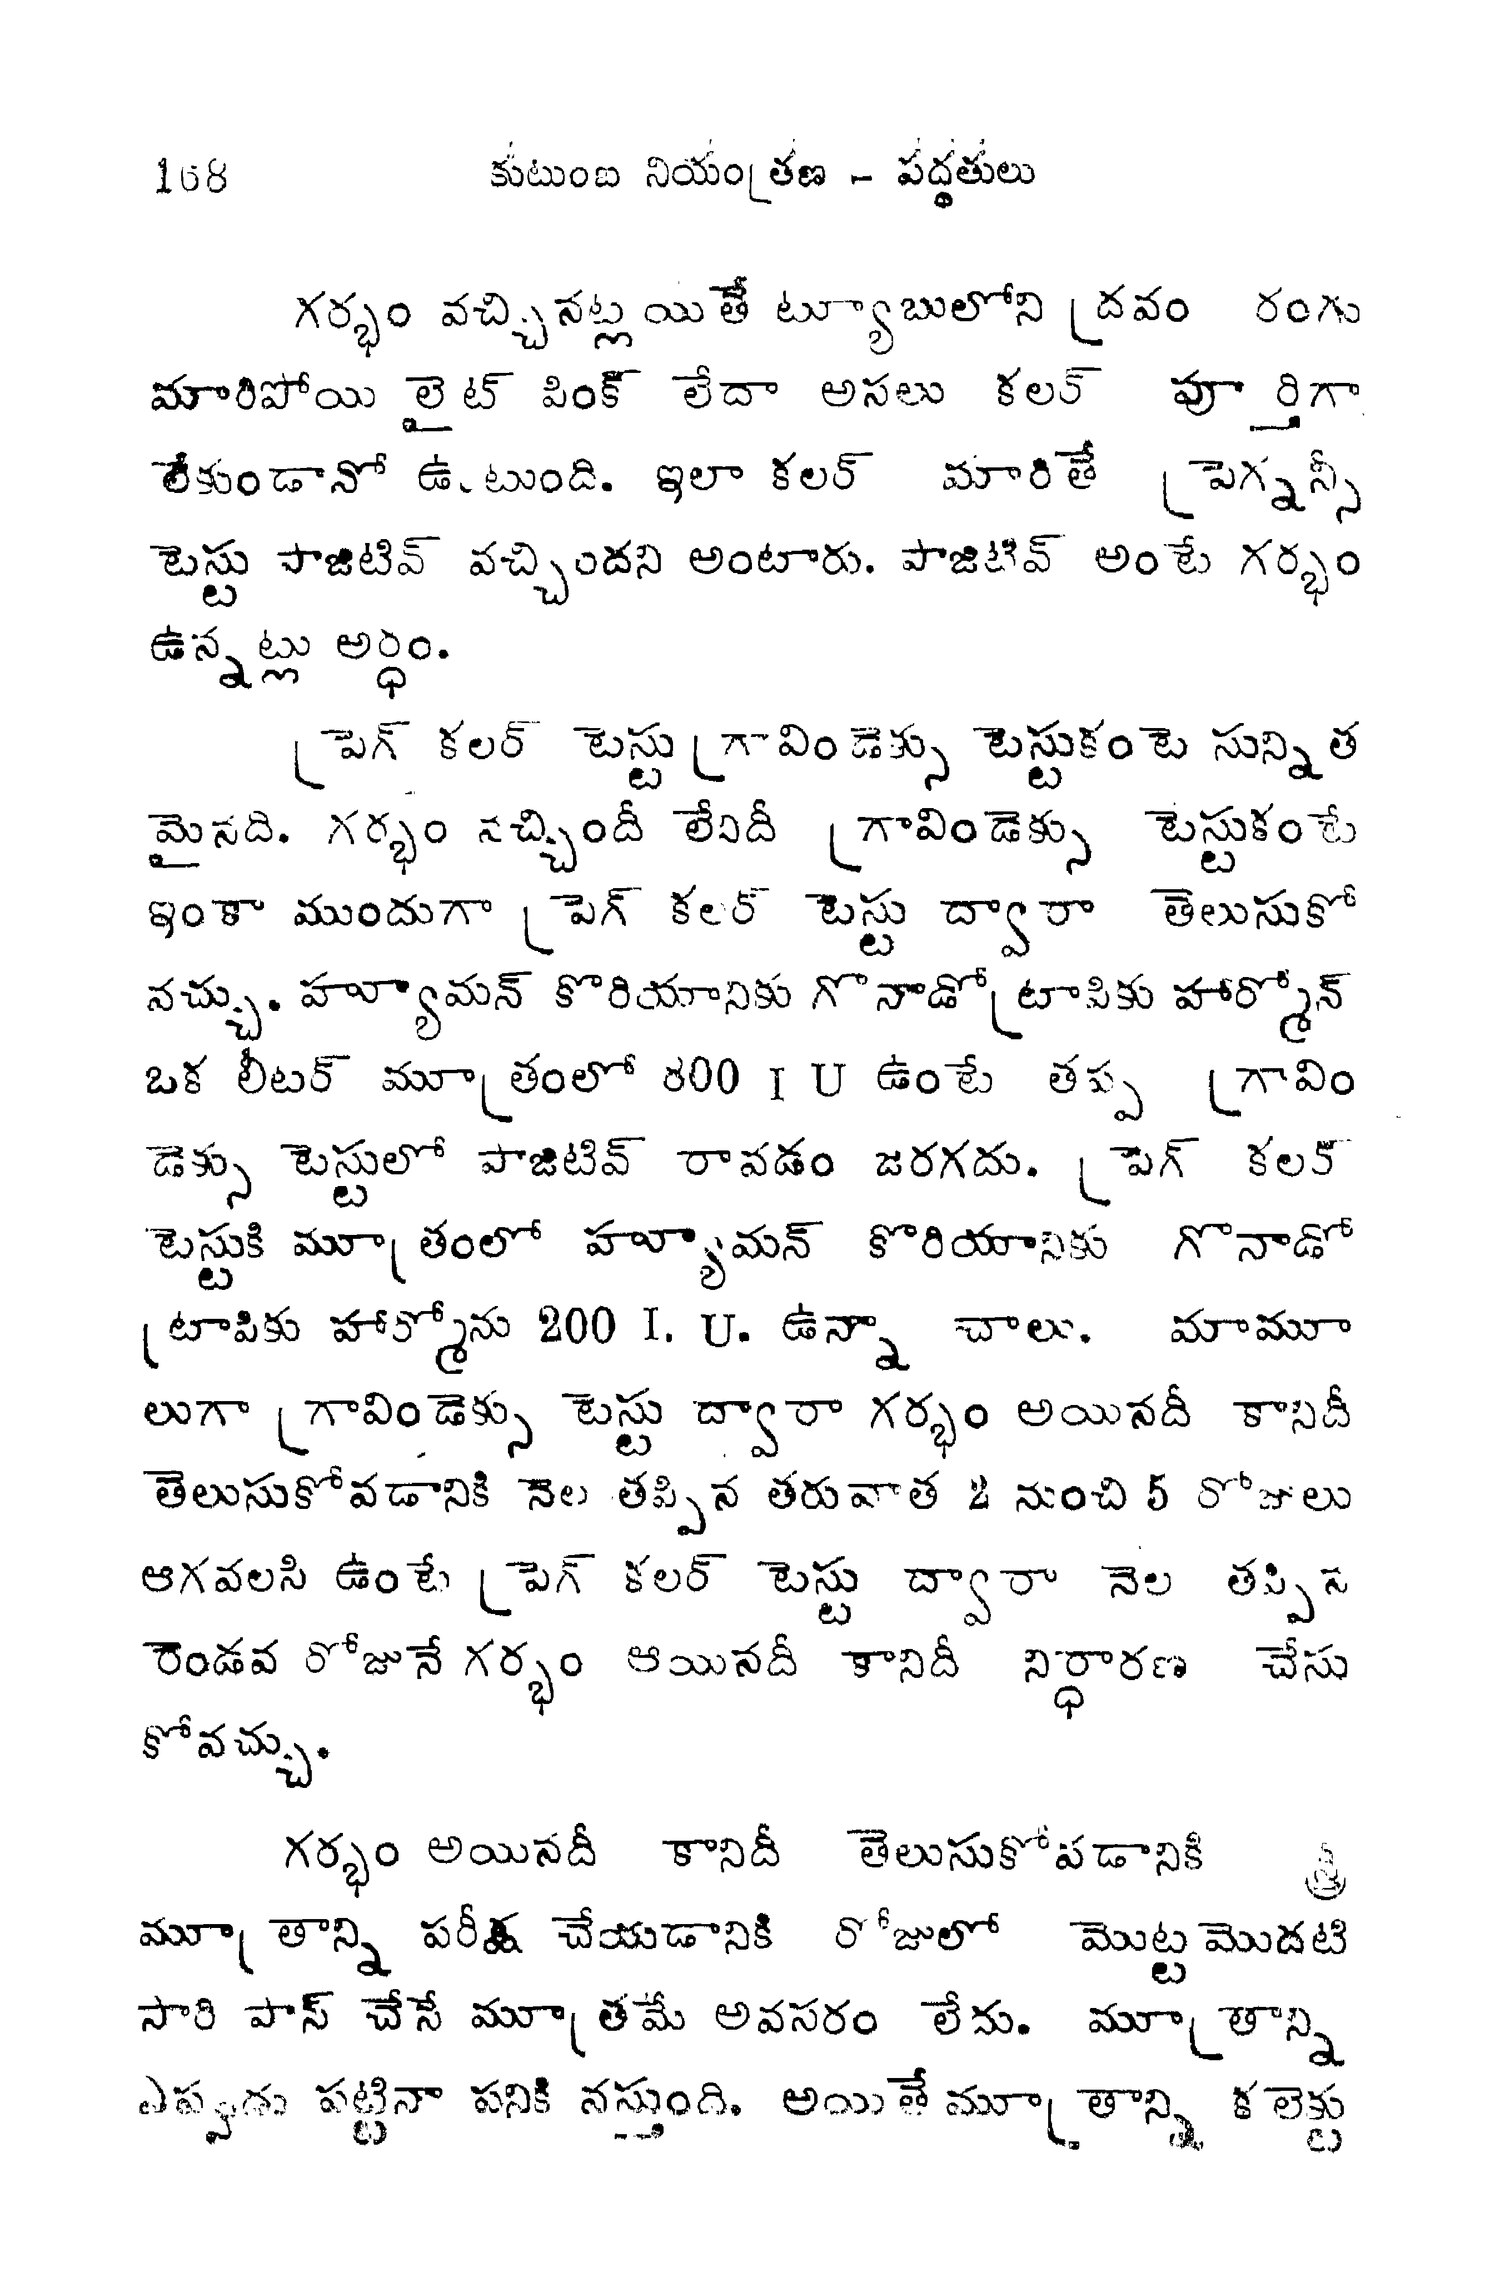గర్భం వచ్చినట్లయితే ట్యూబులోని ద్రవం రంగు మారిపోయి లైట్ పింక్ లేదా అసలు కలర్ పూర్తిగా లేకుండానో ఉంటుంది. ఇలా కలర్ మారితే ప్రెగ్నెన్సీ టెస్ఠు పాజిటివ్ వచ్చిందని అంటారు. పాజిటివ్ అంటే గర్భం ఉన్నట్లు అర్ధం.

ప్రెగ్ కలర్ టెస్టు గ్రావిండేక్సు టెస్టుకంటె సున్నితమైనది. గర్భం వచ్చిందీ లేనిదీ గ్రావిండెక్సు టెస్టుకంటే ఇంకా ముందుగా ప్రెగ్ కలర్ టెస్టు ద్వారా తెలుసుకోవచ్చు. హ్యూమన్ కొరియానికు గొనాడోట్రాపికు హార్మోన్ ఒక లీటర్ మూత్రంలో 800 I U ఉంటే తప్ప గ్రావిండెక్సు టెస్ఠులో పాజిటివ్ రావడం జరగదు. ప్రెగ్ కలర్ టెస్టుకి మూత్రంలో హ్యూమన్ కొరియానికు గొనాడో ట్రాపికు హార్మోను 200 I.U. ఉన్నా చాలు. మామూలుగా గ్రావిండెక్సు టెస్టు ద్వారా గర్భం అయినదీ కానిదీ తెలుసుకోడానికి నెల తప్పిన తరువాత 2 నుంచి 5 రోజులు ఆగవలసి ఉంటే ప్రెగ్ కలర్ టెస్టు ద్వారా నెల తప్పిన రెండవ రోజునే గర్భం అయినదీ కానిదీ నిర్ధారణ చేసుకోవచ్చు.

గర్భం అయినదీ కానిదీ తెలుసుకోవడానికి స్త్రీ మూత్రాన్ని పరీక్ష చేయడానికి రోజులో మొట్టమొదటి సారి పాస్ చేసే మూత్రమే అవసరం లెదు. మూత్రాన్ని ఎప్పుడు పట్టినా పనికి వస్తుంది. అయితే మూత్రాన్ని కలెక్టు